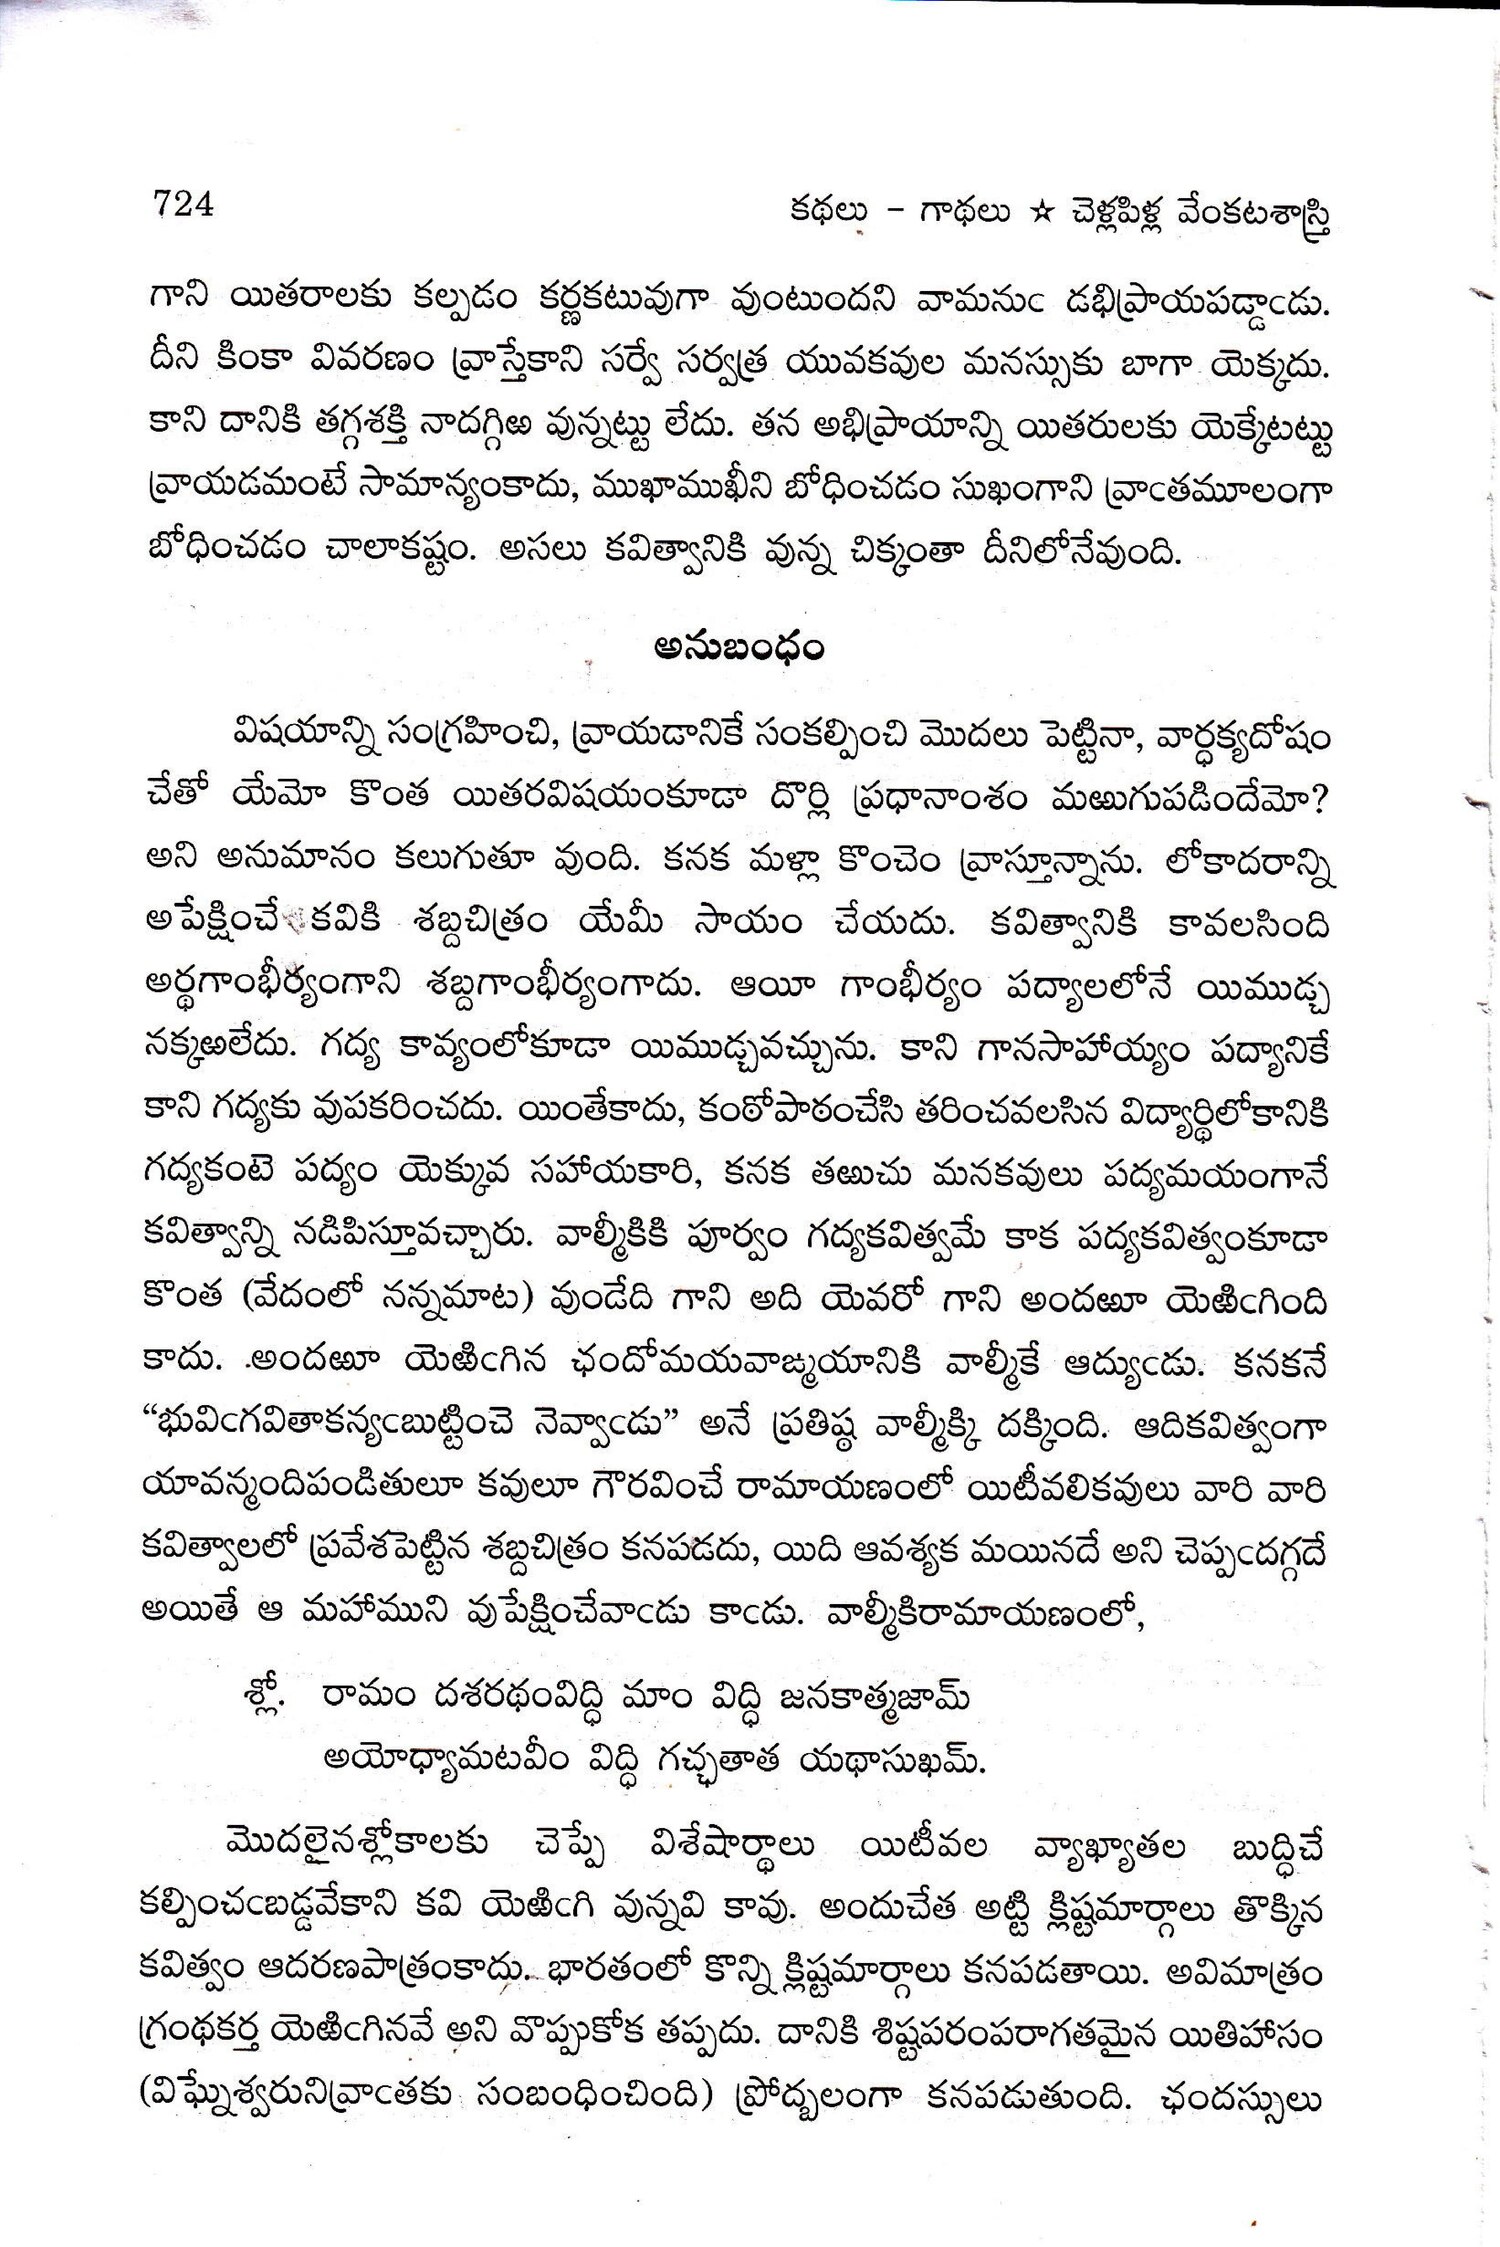గాని యితరాలకు కల్పడం కర్ణకటువుగా వుంటుందని వామనుఁ డభిప్రాయపడ్డాఁడు. దీని కింకా వివరణం వ్రాస్తేకాని సర్వే సర్వత్ర యువకవుల మనస్సుకు బాగా యెక్కదు. కాని దానికి తగ్గశక్తి నాదగ్గిఱ వున్నట్టు లేదు. తన అభిప్రాయాన్ని యితరులకు యెక్కేటట్టు వ్రాయడమంటే సామాన్యంకాదు, ముఖాముఖీని బోధించడం సుఖంగాని వ్రాఁతమూలంగా బోధించడం చాలాకష్టం. అసలు కవిత్వానికి వున్న చిక్కంతా దీనిలోనేవుంది.

విషయాన్ని సంగ్రహించి, వ్రాయడానికే సంకల్పించి మొదలు పెట్టినా, వార్ధక్యదోషం చేతో యేమో కొంత యితరవిషయంకూడా దొర్లి ప్రధానాంశం మఱుగుపడిందేమో? అని అనుమానం కలుగుతూ వుంది. కనక మళ్లా కొంచెం వ్రాస్తూన్నాను. లోకాదరాన్ని అపేక్షించే కవికి శబ్దచిత్రం యేమీ సాయం చేయదు. కవిత్వానికి కావలసింది అర్థగాంభీర్యంగాని శబ్దగాంభీర్యంగాదు. ఆయీ గాంభీర్యం పద్యాలలోనే యిముడ్చ నక్కఱలేదు. గద్య కావ్యంలోకూడా యిముడ్చవచ్చును. కాని గానసాహాయ్యం పద్యానికే కాని గద్యకు వుపకరించదు. యింతేకాదు, కంఠోపాఠంచేసి తరించవలసిన విద్యార్ధిలోకానికి గద్యకంటె పద్యం యెక్కువ సహాయకారి, కనక తఱుచు మనకవులు పద్యమయంగానే కవిత్వాన్ని నడిపిస్తూవచ్చారు. వాల్మీకికి పూర్వం గద్యకవిత్వమే కాక పద్యకవిత్వంకూడా కొంత (వేదంలో నన్నమాట) వుండేది గాని అది యెవరో గాని అందఱూ యెఱిఁగింది కాదు. అందఱూ యెఱిఁగిన ఛందోమయవాఙ్మయానికి వాల్మీకే ఆద్యుఁడు. కనకనే “భువిఁగవితాకన్యఁబుట్టించె నెవ్వాఁడు” అనే ప్రతిష్ఠ వాల్మీక్కి దక్కింది. ఆదికవిత్వంగా యావన్మందిపండితులూ కవులూ గౌరవించే రామాయణంలో యిటీవలికవులు వారి వారి కవిత్వాలలో ప్రవేశపెట్టిన శబ్దచిత్రం కనపడదు, యిది ఆవశ్యక మయినదే అని చెప్పఁదగ్గదే అయితే ఆ మహాముని వుపేక్షించేవాఁడు కాఁడు. వాల్మీకిరామాయణంలో,

శ్లో. రామం దశరథంవిద్ధి మాం విద్ధి జనకాత్మజామ్
 అయోధ్యామటవీం విద్ధి గచ్ఛతాత యధాసుఖమ్.
మొదలైన శ్లోకాలకు చెప్పే విశేషార్థాలు యిటీవల వ్యాఖ్యాతల బుద్ధిచే కల్పించఁబడ్డవేకాని కవి యెఱిఁగి వున్నవి కావు. అందుచేత అట్టి క్లిష్టమార్గాలు తొక్కిన కవిత్వం ఆదరణపాత్రంకాదు. భారతంలో కొన్నిక్లిష్టమార్గాలు కనపడతాయి. అవిమాత్రం గ్రంథకర్త యెఱిఁగినవే అని వొప్పుకోక తప్పదు. దానికి శిష్టపరంపరాగతమైన యితిహాసం (విఘ్నేశ్వరునివ్రాఁతకు సంబంధించింది) ప్రోద్బలంగా కనపడుతుంది. ఛందస్సులు